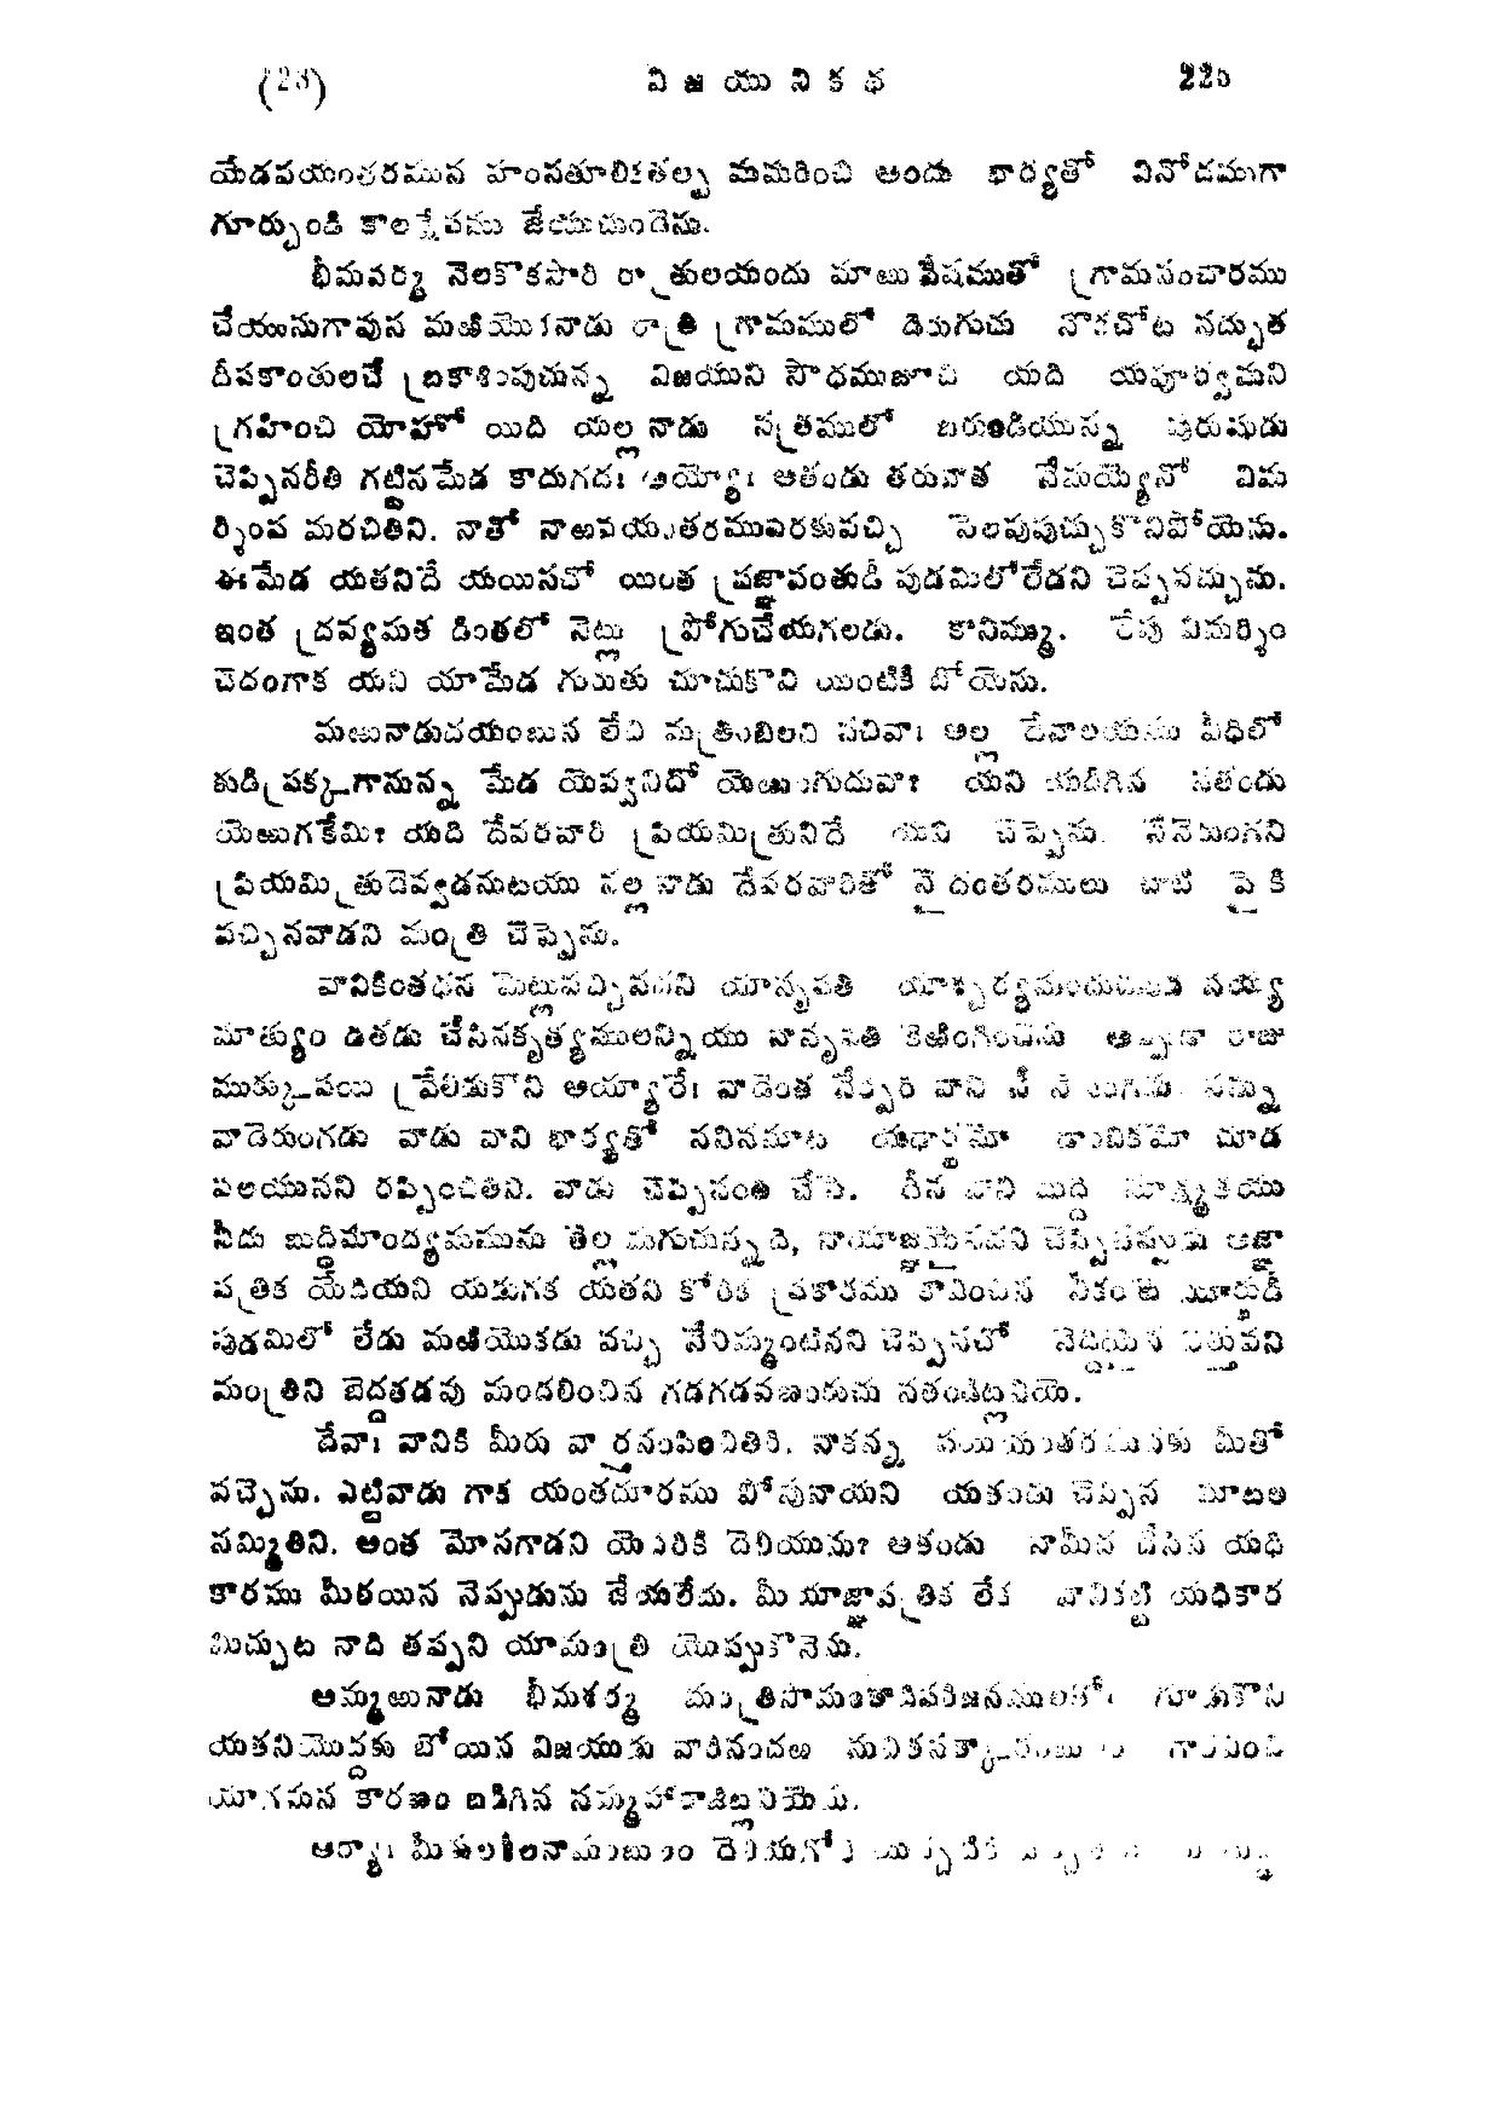యేడవయంతరమున హంసతూలికతల్ప మమరించి అందు భార్యతో వినోదముగా గూర్చుండి కాలక్షేపము జేయుచుండెను.

భీమవర్మ నెలకొకసారి రాత్రులయందు మాఱు వేషముతో గ్రామసంచారము చేయును గావున మఱియొకనాడు రాత్రి గ్రామములో ofరుగుచు నొకచోట నద్భుతదీపకాంతులచే బ్రకాశింపుచున్న విజయుని సౌధము జూచి యది యపూర్వమని గ్రహించి యోహో యిది యల్లనాడు సత్రములో బురుండియున్న పురుషుడు చెప్పినరీతి గట్టినమేడ కాదుగద! అయ్యో! ఆతండు తరువాత నేమయ్యెనో విమర్శింప మరచితిని. నాతో నాఱవయంతరమువరకువచ్చి సెలవుపుచ్చుకొనిపోయెను. ఈమేడ యతనిదే యయినచో యింత ప్రజ్ఞావంతు డీపుడమిలోలేడని చెప్పవచ్చును. ఇంతద్రవ్య మత డింతలో నెట్లు ప్రోగుచేయగలడు. కానిమ్ము. రేపు విమర్శించెదంగాక యని యామేడ గురుతు చూచుకొని యింటికి బోయెను.

మఱునాడుదయంబున లేచి మంత్రింబిలిచి సచివా! అల్ల దేవాలయము వీథిలో కుడిప్రక్కగానున్న మేడ యెవ్వనిదో యెఱుంగుదువా? యని యడిగిన నతండు యెఱుగకేమి? యది దేవరవారి ప్రియమిత్రునిదే యని చెప్పెను. నేనెరుంగని ప్రియమిత్రుడెవ్వడనుటయు నల్లనాడు దేవరవారితో నైదంతరములు దాటి పైకి వచ్చినవాడని మంత్రి చెప్పెను.

వానికింతధన మెట్లువచ్చినదని యానృపతి యాశ్చర్యమందుచుండ నయ్యమాత్యుం డితడు చేసినకృత్యములన్నియు నానృపతి కెఱింగించెను అప్పుడా రాజు ముక్కుపయి వ్రేలిడుకొని ఆయ్యారే! వాడెంత నేర్పరి వాని నే నెఱుంగను నన్ను వాడెరుంగడు వాడు వాని భార్యతో ననినమాట యథార్థమో డాంబికమో చూడ వలయునని రప్పించితిని. వాడు చెప్పినంత చేసె. దీన వాని బుద్ధిసూక్ష్మతయు
నీదు బుద్ధిమాంద్యమమును తెల్లమగుచున్నది. నాయాజ్ఞయైనదని చెప్పినప్పుడు ఆజ్ఞాపత్రిక యేదియని యడుగక యతని కోరిక ప్రకారము కావించిన నీకంటే మూర్ఖుడీ పుడమిలో లేడు మఱియొకడు వచ్చి నేనిమ్మంటినని చెప్పినచో నెద్దియైన నిత్తువని మంత్రిని బెద్దతడవు మందలించిన గడగడవణంకుచు నతండిట్లనియె.

దేవా! వానికి మీరు వార్తనంపించితిరి. నాకన్న పయియంతరమునకు మీతో వచ్చెను. ఎట్టివాడు గాక యంతదూరము పోవునాయని యతండు చెప్పిన మాటల నమ్మితిని. అంత మోసగాడని యెవరికి దెలియును? అతండు నామీద చేసిన యధికారము మీరయిన నెప్పుడును జేయలేదు. మీ యాజ్ఞాపత్రిక లేక వానికట్టి యధికార మిచ్చుట నాది తప్పని యామంత్రి యొప్పుకొనెను.

అమ్మఱునాడు భీమశర్మ మంత్రిసామంతాదిపరిజనములతో గూడుకొని యతనియొద్దకు బోయిన విజయుడు వారినందఱ నుచితసత్కారంబుల గారవించి యాగమన కారణం బడిగిన నమ్మహారాజిట్లనియెను.

ఆర్యా! మీ కులశీలనామంబులం దెలియగోరి యిచ్చటికి వచ్చితిమి. మీయనన్య